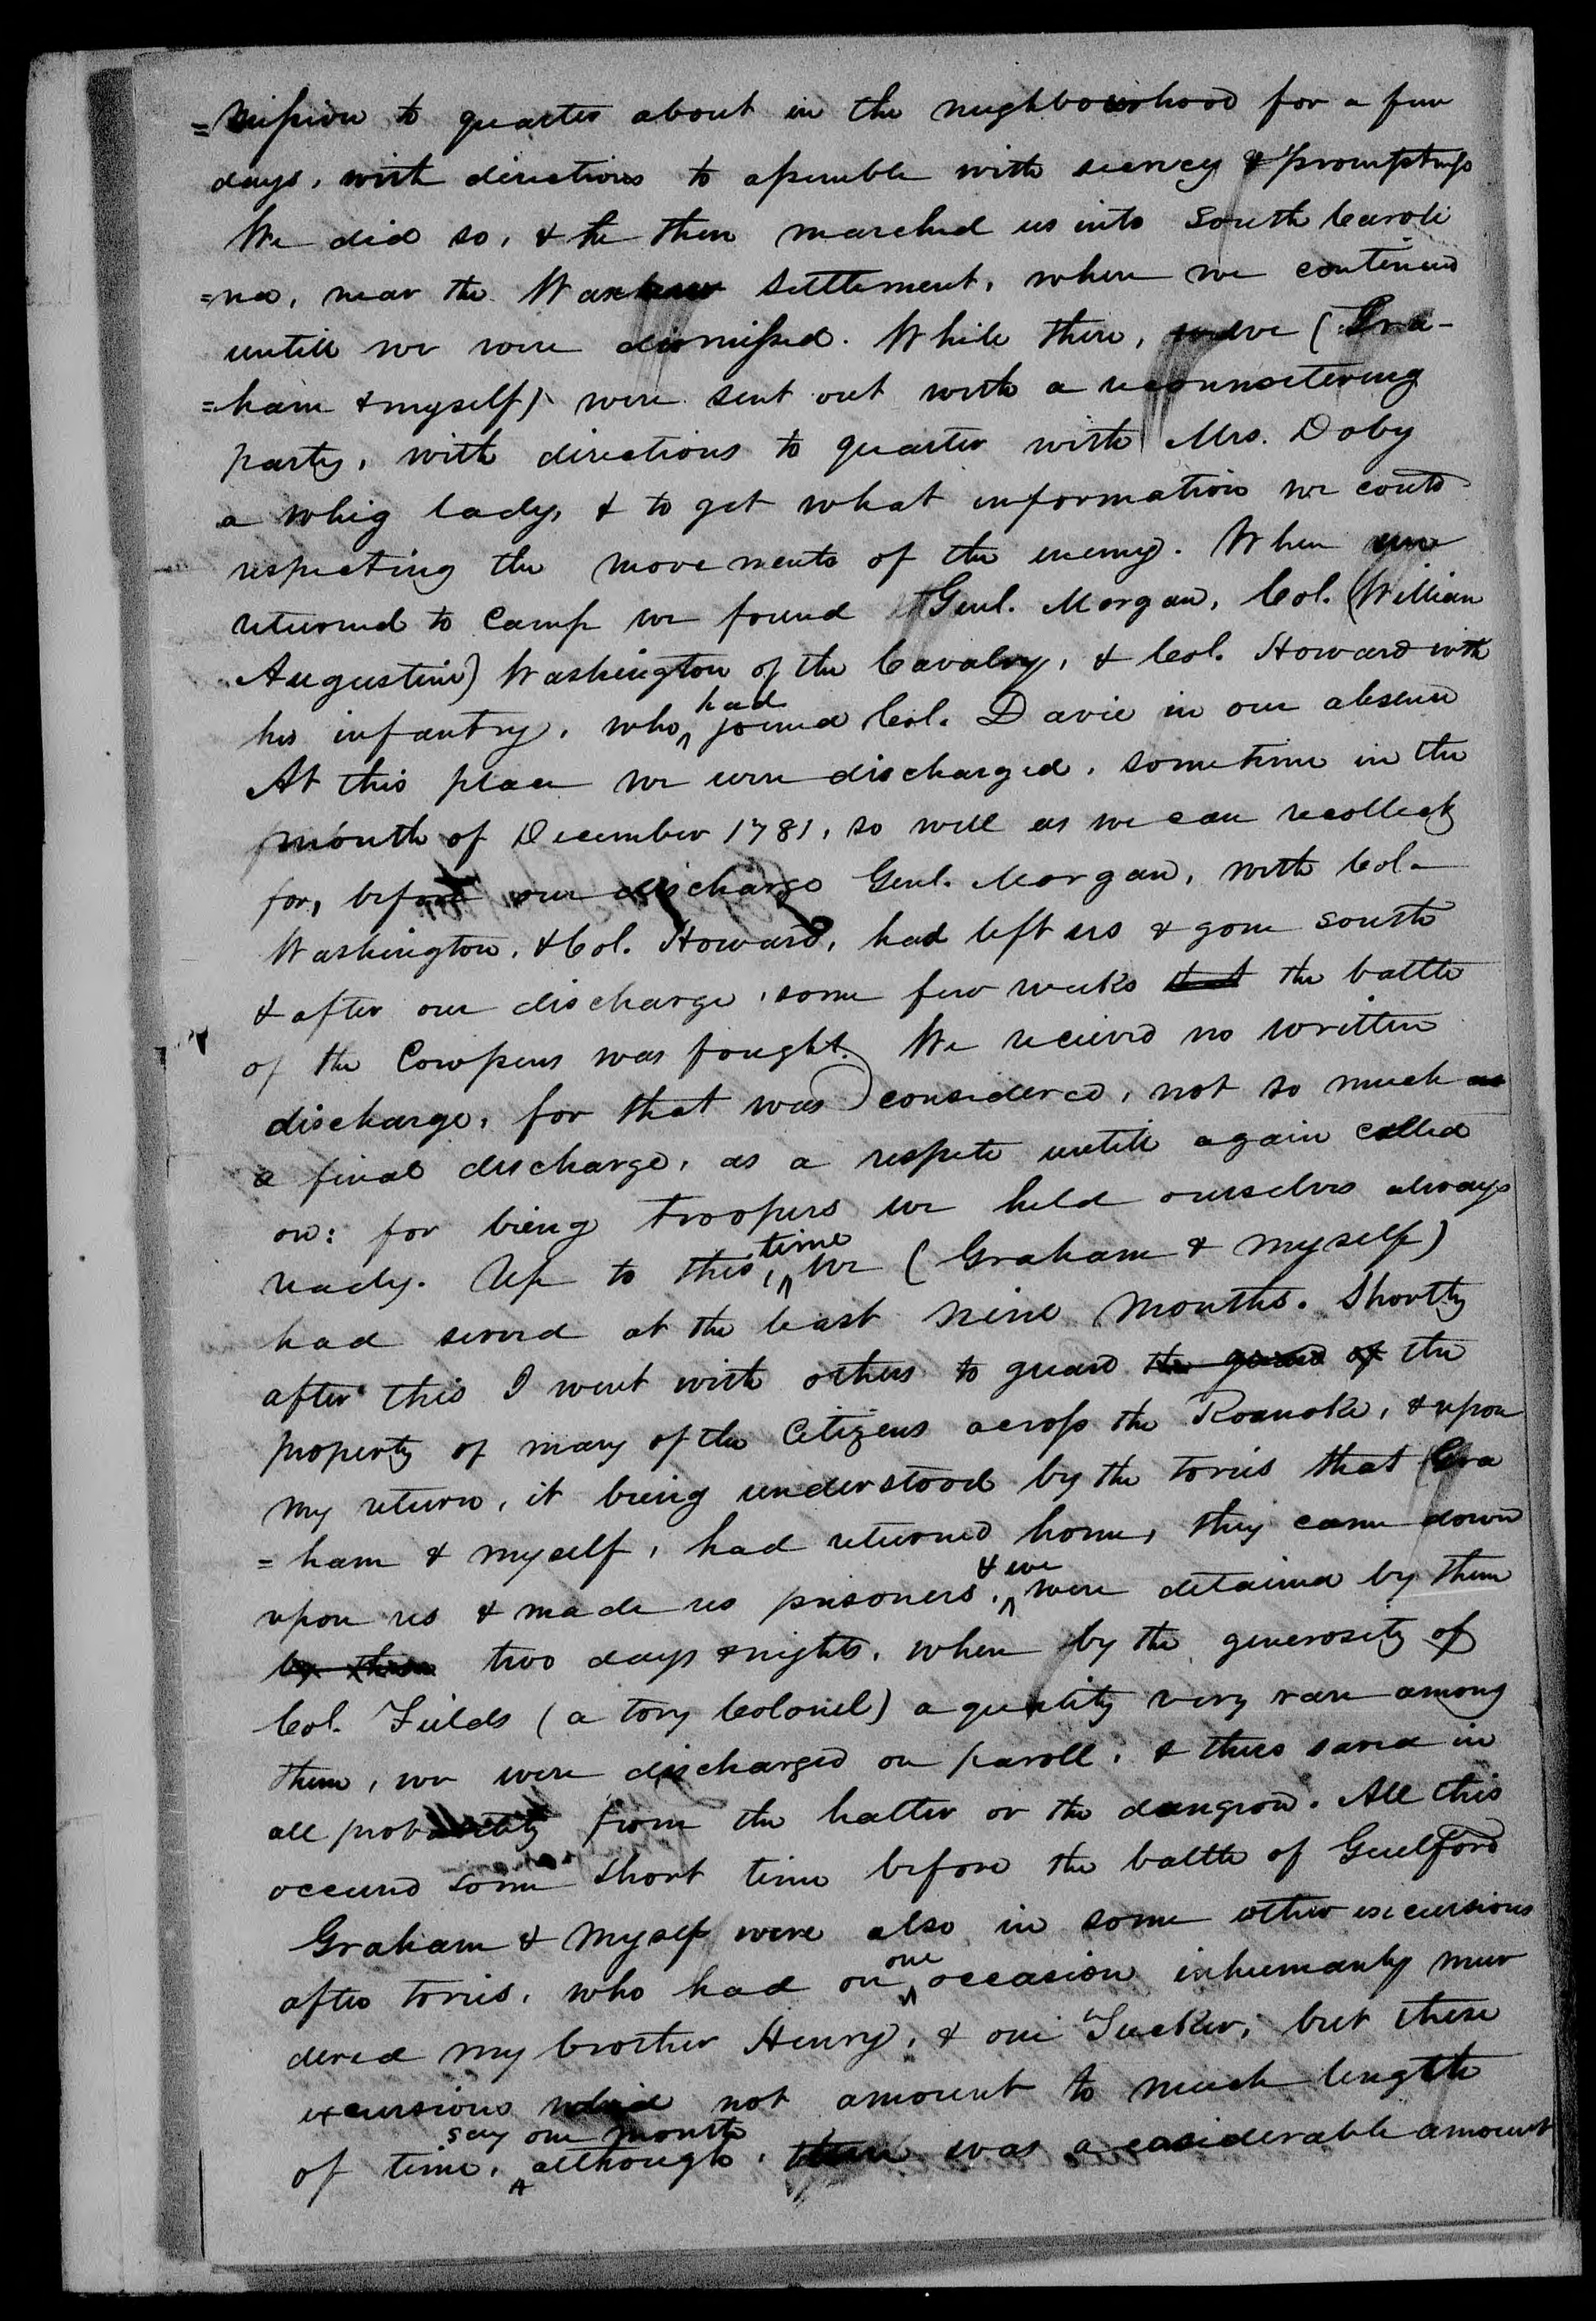=mission to quarter about in the neighborhood for a few days, with directions to assemble with energy & promptness. We did so, & he then marched us into South Carolina, near the Waxhaw Settlement, where we continued until we were dismissed. While there, we (Graham & myself) were sent out with a reconnoitering party, with direction to quarter with Mrs. Doby, a Whig lady, & to get what information we could respecting the movements of the enemy. When we returned to Camp we found Genl. Morgan [General Daniel Morgan], Col. (William Augustine) Washington [William Washington] of the Cavalry, & Col. Howard [John Eager Howard] with his infantry, who had joined Col. Davie in our absence. At this place we were discharged, sometime in the month of December 1781 [sic, 1780], so well as we can recollect for before our discharge Genl. Morgan, with Col. Washington & Col. Howard, had left us & gone South & after our discharge, some few weeks the battle of the Cowpens was fought. We received no written discharge, for that was considered not so much a final discharge as a respite until again called on: for being troopers we held ourselves always ready. Up to this time we (Graham & myself) had served at the least nine months. Shortly after this I went with others to guard the property of many of the citizens across the Roanoke [river], & upon my return, it being understood by the Tories that Graham & myself had returned home, they came down upon us and made us prisoners & we were detained by them two days & nights: when by the generosity of Col. Fields (a Tory Colonel) a quality very rare among them, we were discharged on parole: & thus saved in all probability from the halter or the dungeon. All of this occurred some short time before the battle of Guilford [March 15, 1781]. Graham & myself were also in some other excursions after Tories, who had on one occasion inhumanely murdered my brother Henry; & one Tucker, but these excursions did not amount to much length of time, say one month although there was a considerable amount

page: 12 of 41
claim: widow's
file: W. 5033, for Joseph Johnston, North Carolina